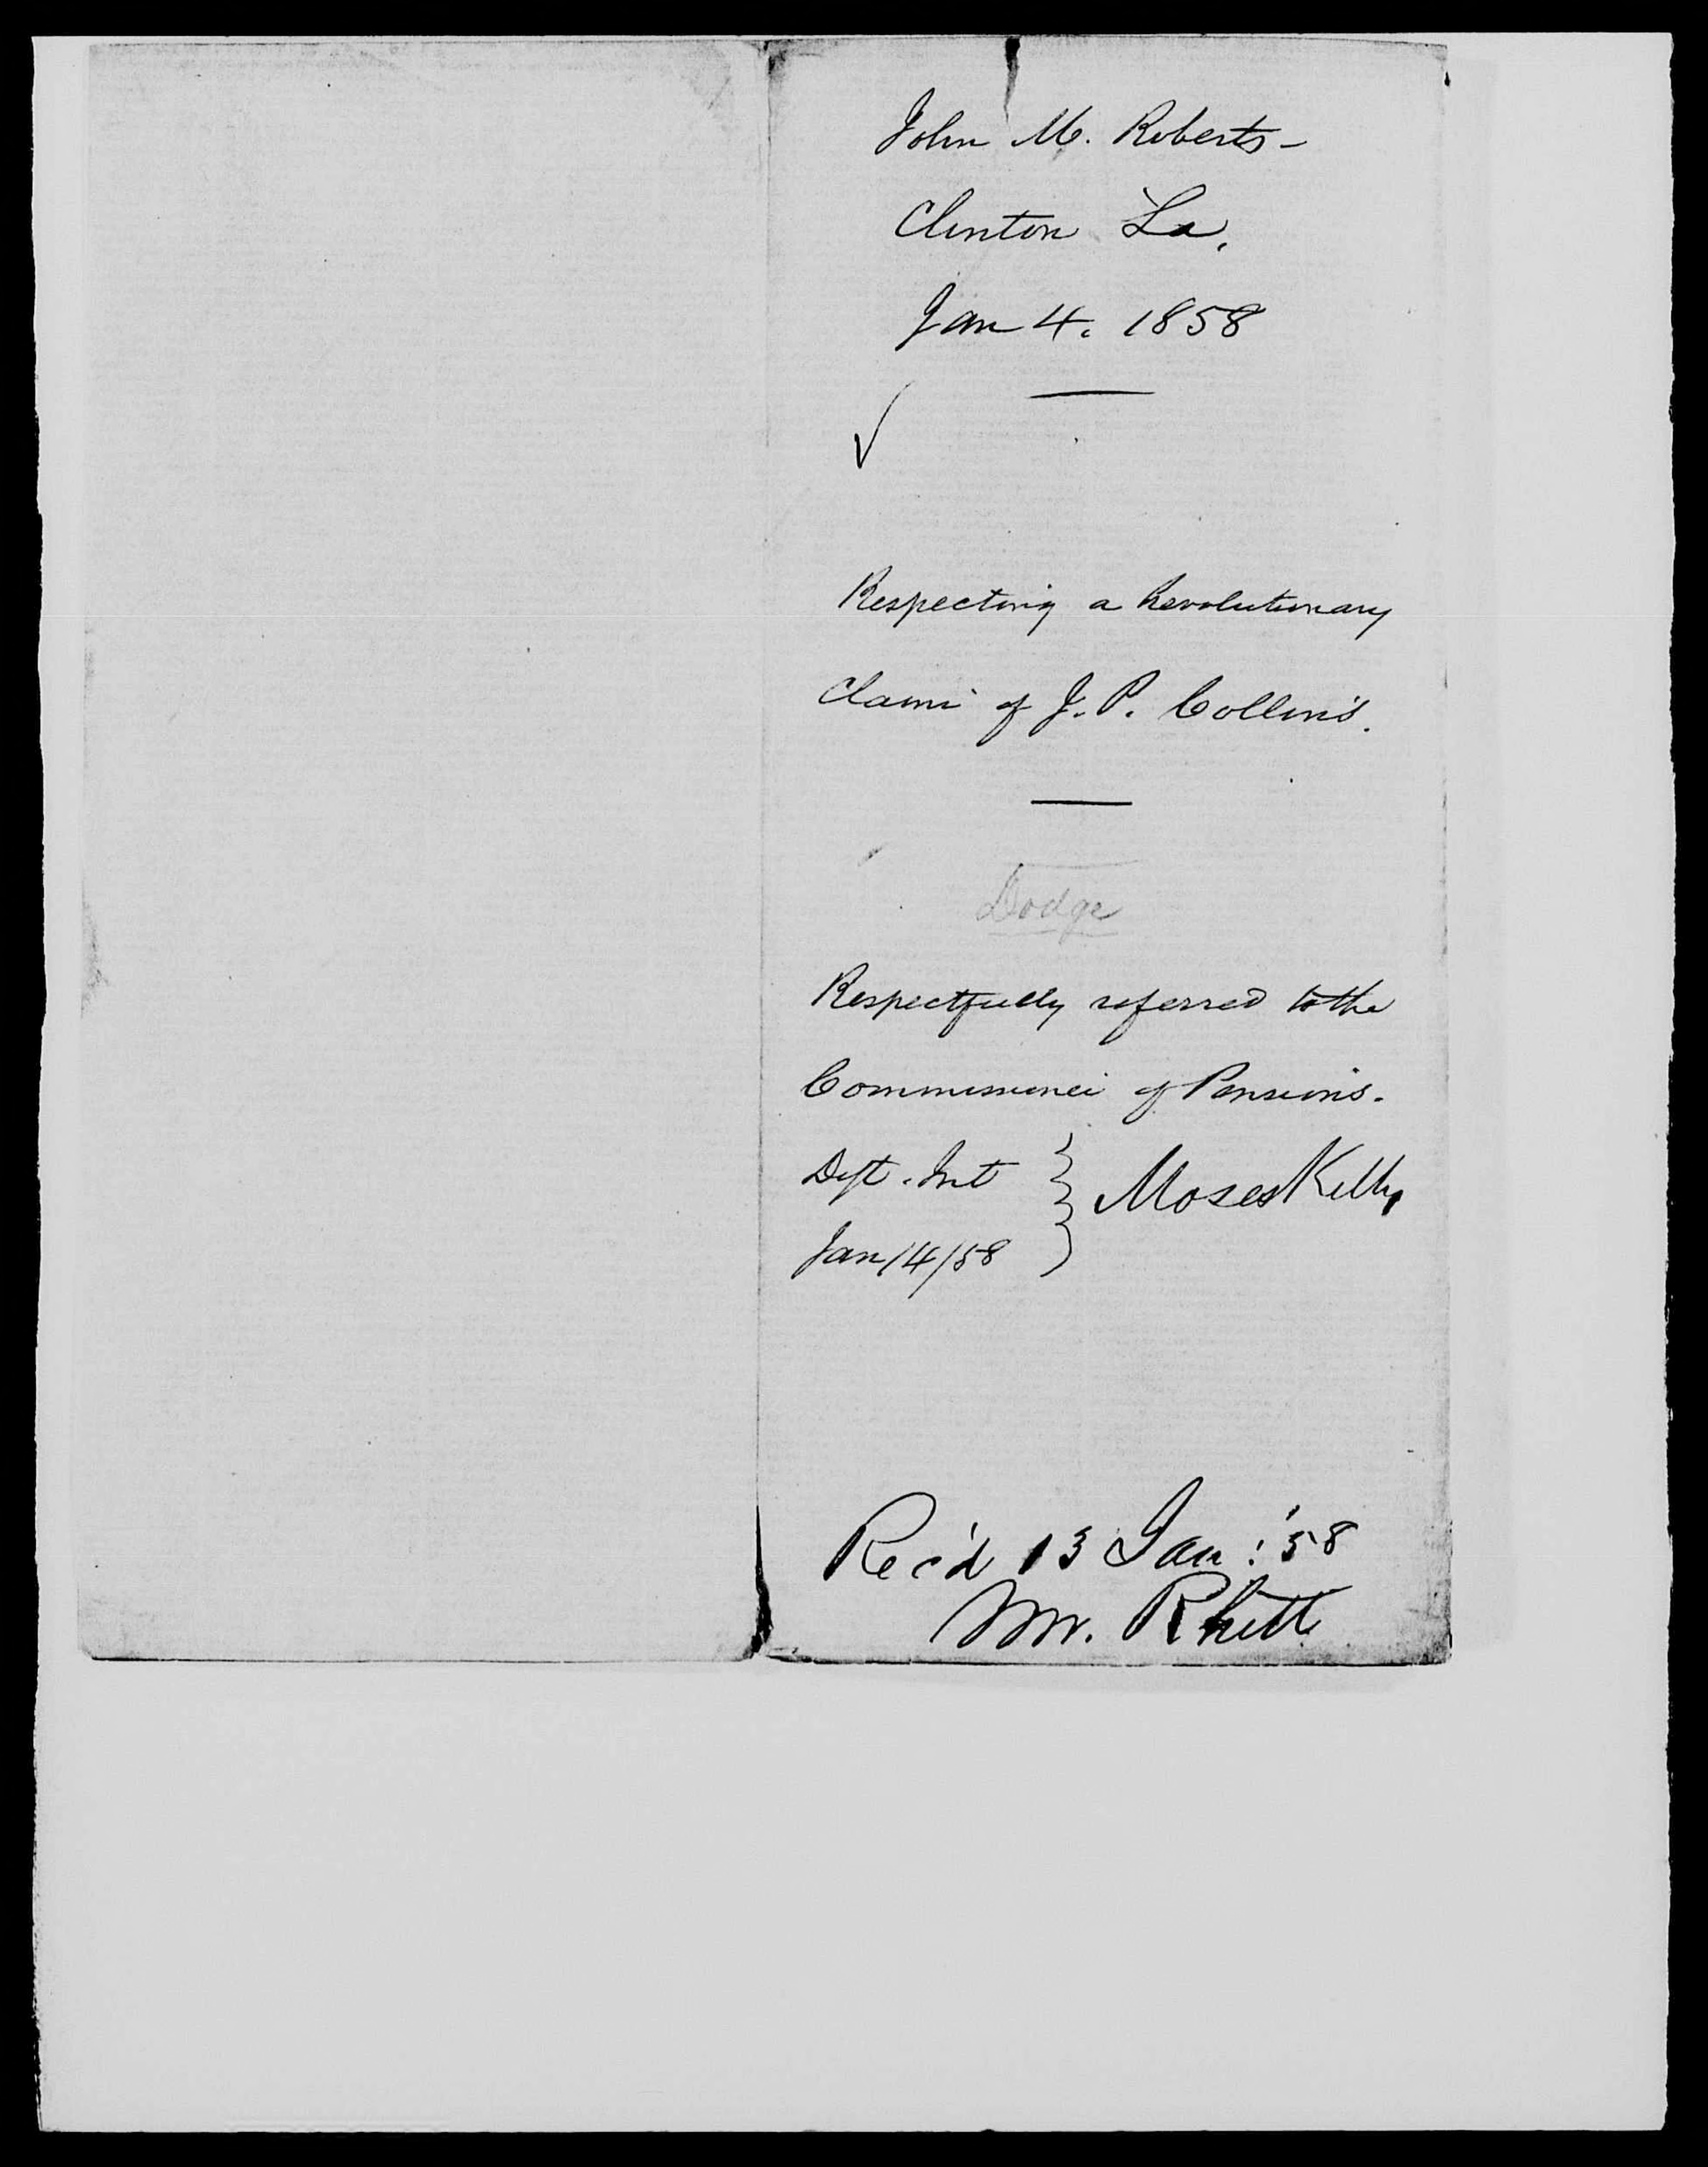John M. Roberts
Clinton La
Jan 4, 1858
-------
√

Respecting a Revolutionary
Claim of J.P. Collins
______________

Dodge

Respectfully referred to the
Commissioner of Pensions

Dept Int }
Jan 14 /58}
Moses Kelly



Rec'd 13 Jan: '28
Wm. Rhett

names: J P Collins, Moses Kelly, Rhett, John M Roberts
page: 29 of 48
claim: rejected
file: R. 2173, James P Collins, S. C.